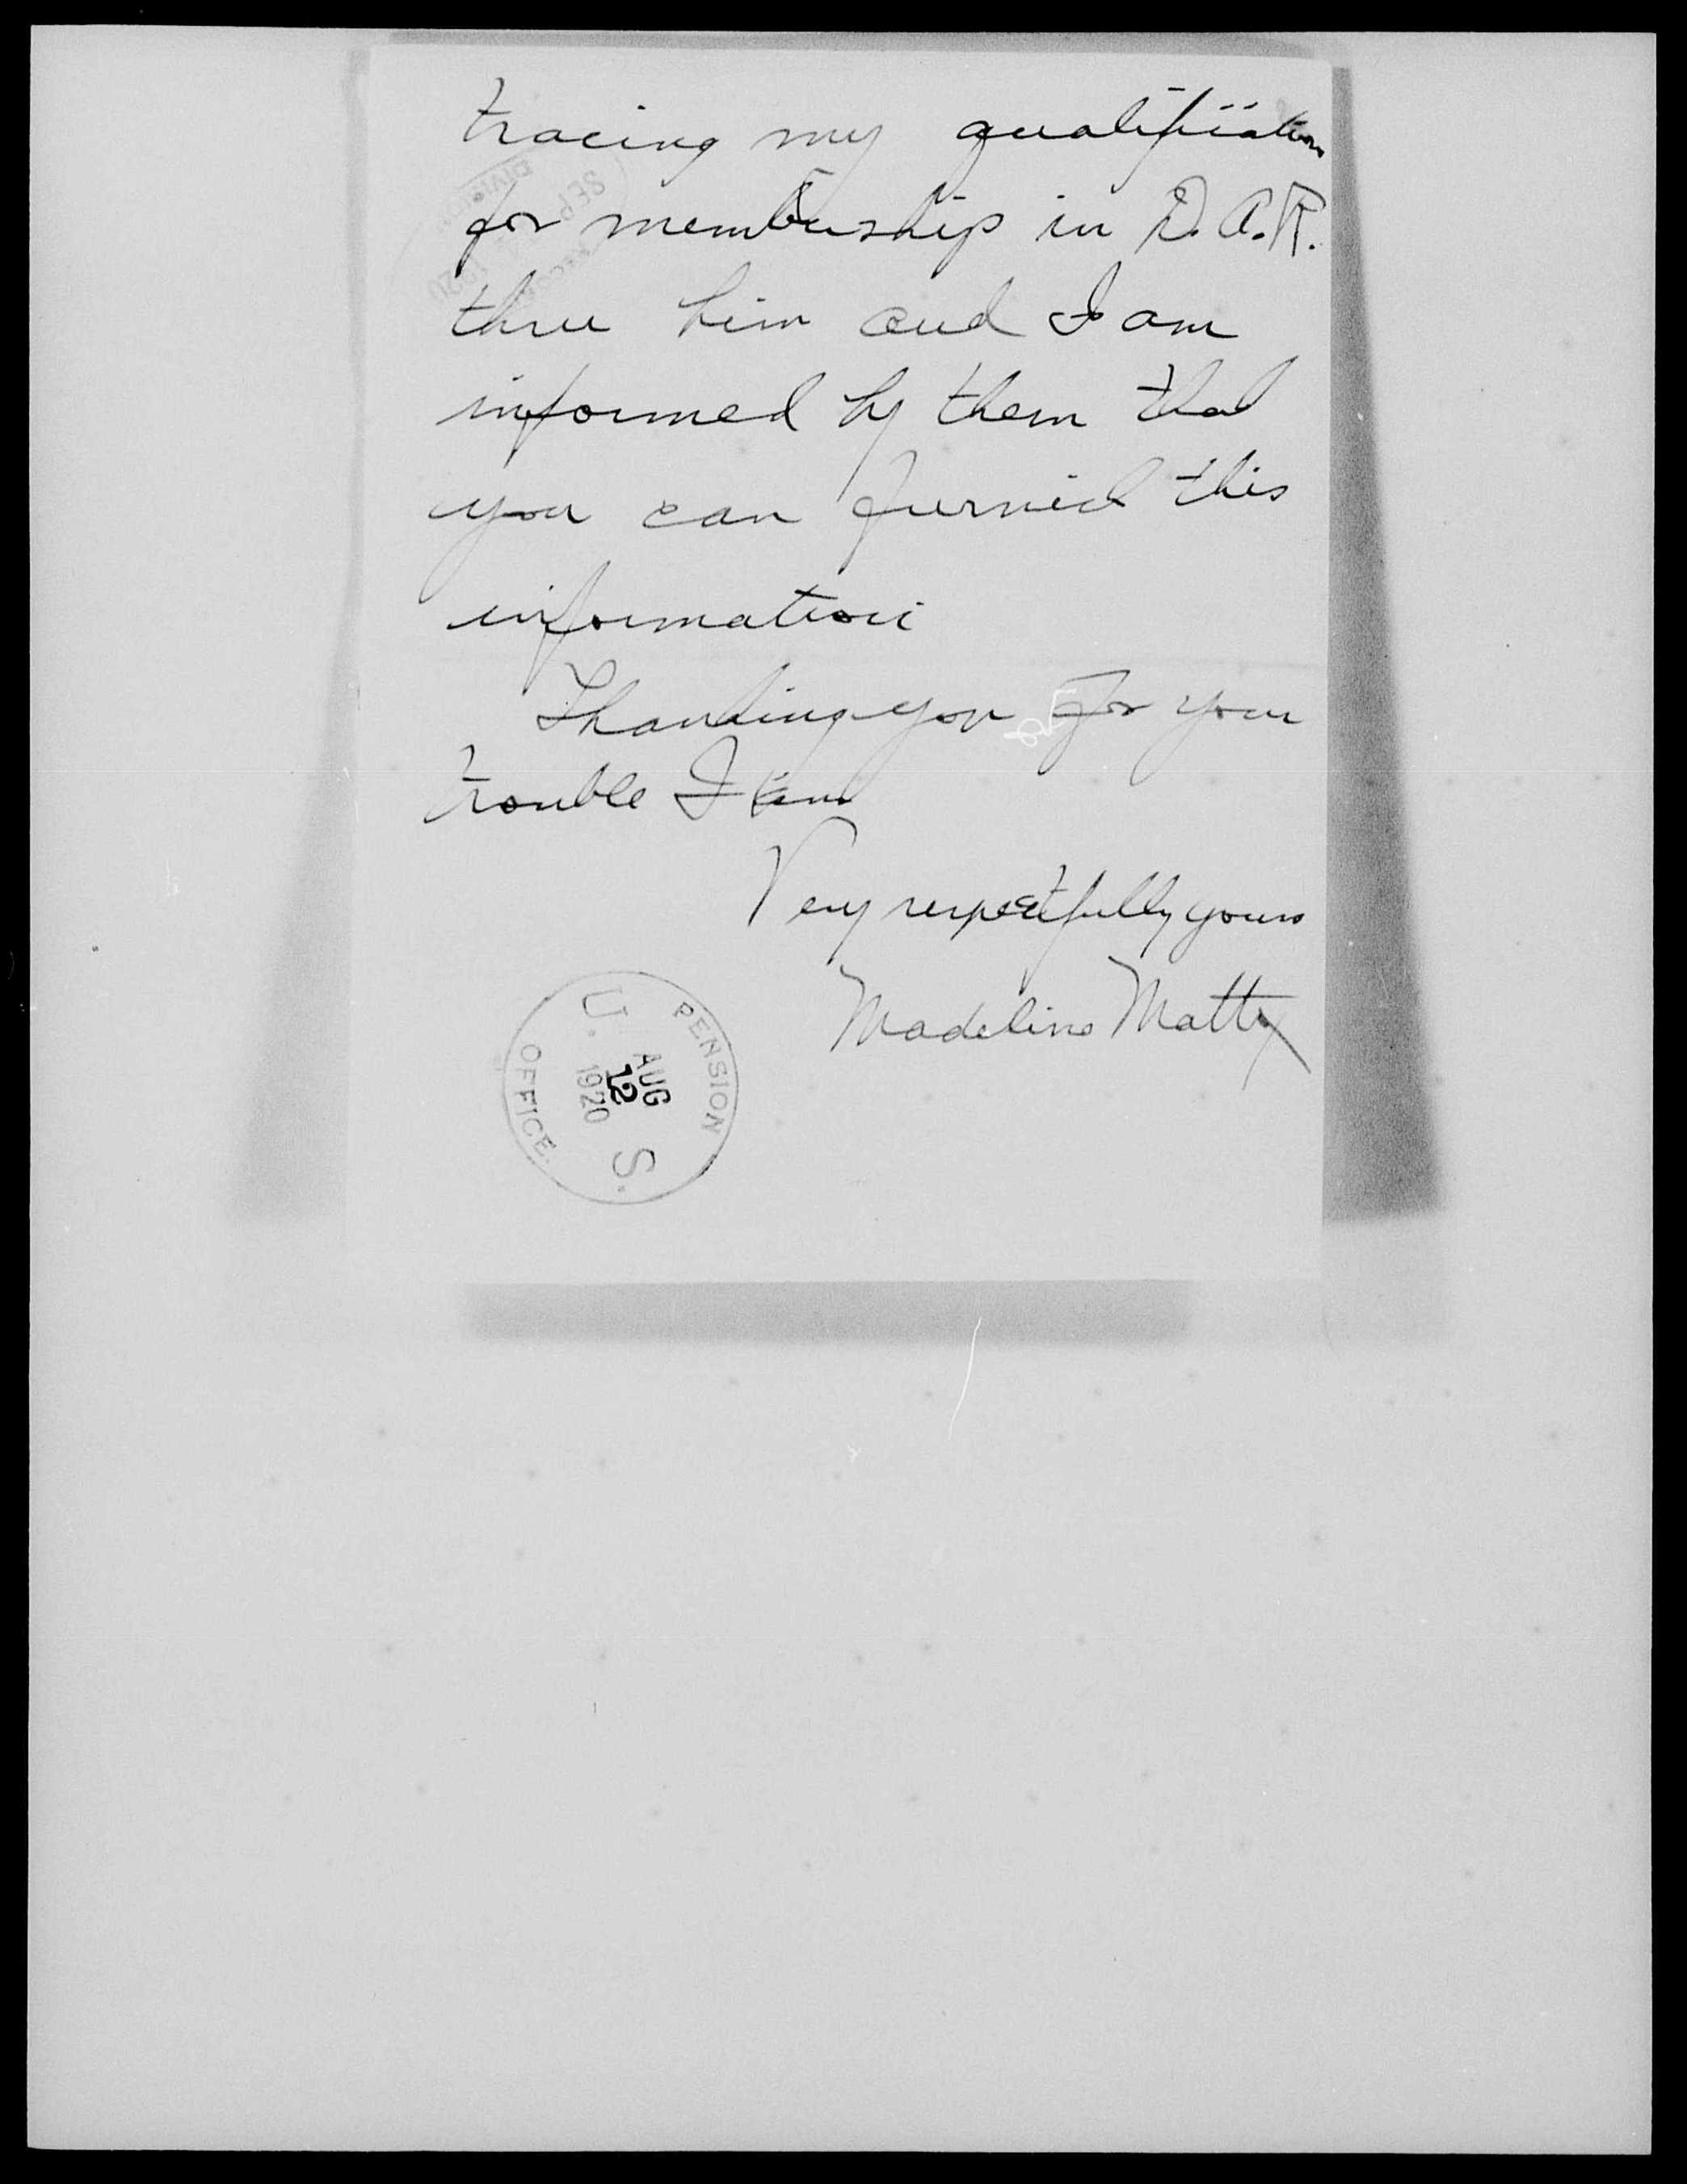tracing my qualification for membership in D.A.R. thru him and I am informed by them that you can furnish this information.

Thanking you for your trouble I am
Very respectfully yours
Madeline Mattox

[stamped  US Pension Office Aug. 12 1920]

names: Madeline Mattox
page: 16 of 20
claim: survivor's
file: S. 36129, for Noah Miller, New Jersey